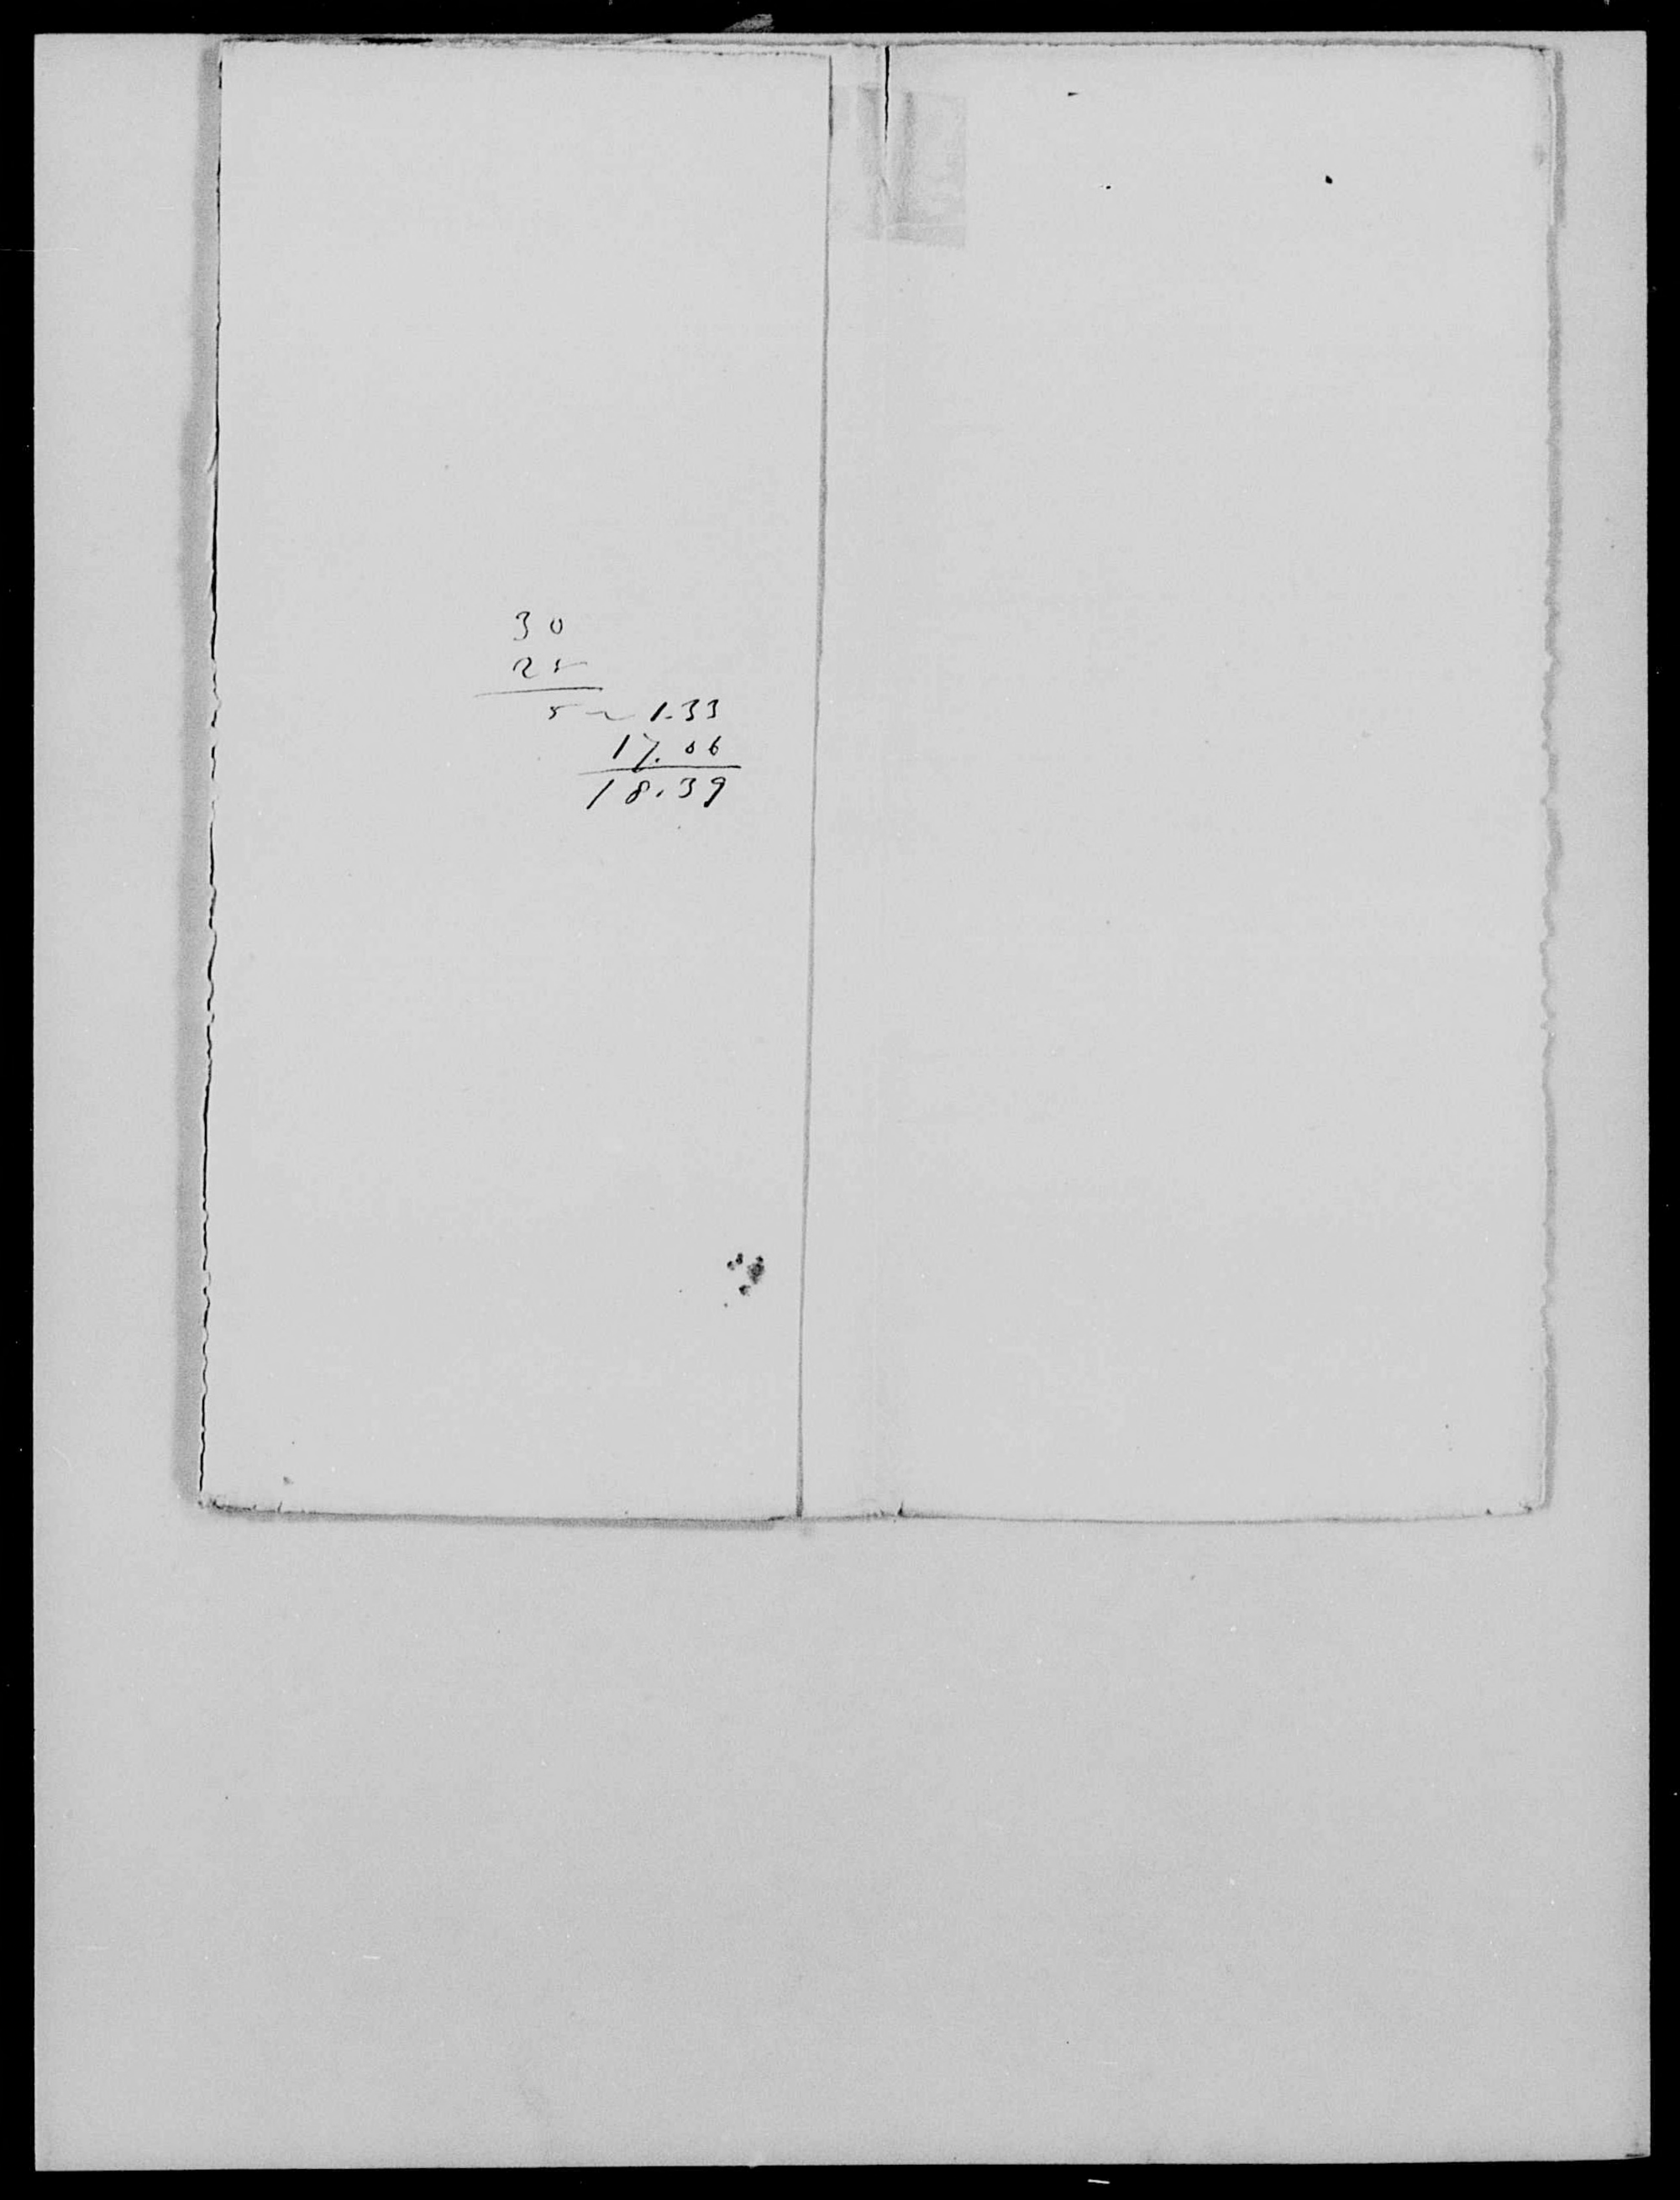30
25
____
5  ~  1.33
17.06
______
18.39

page: 3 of 20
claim: survivor's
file: S. 41,090, for Joshua Randall, Massachusetts